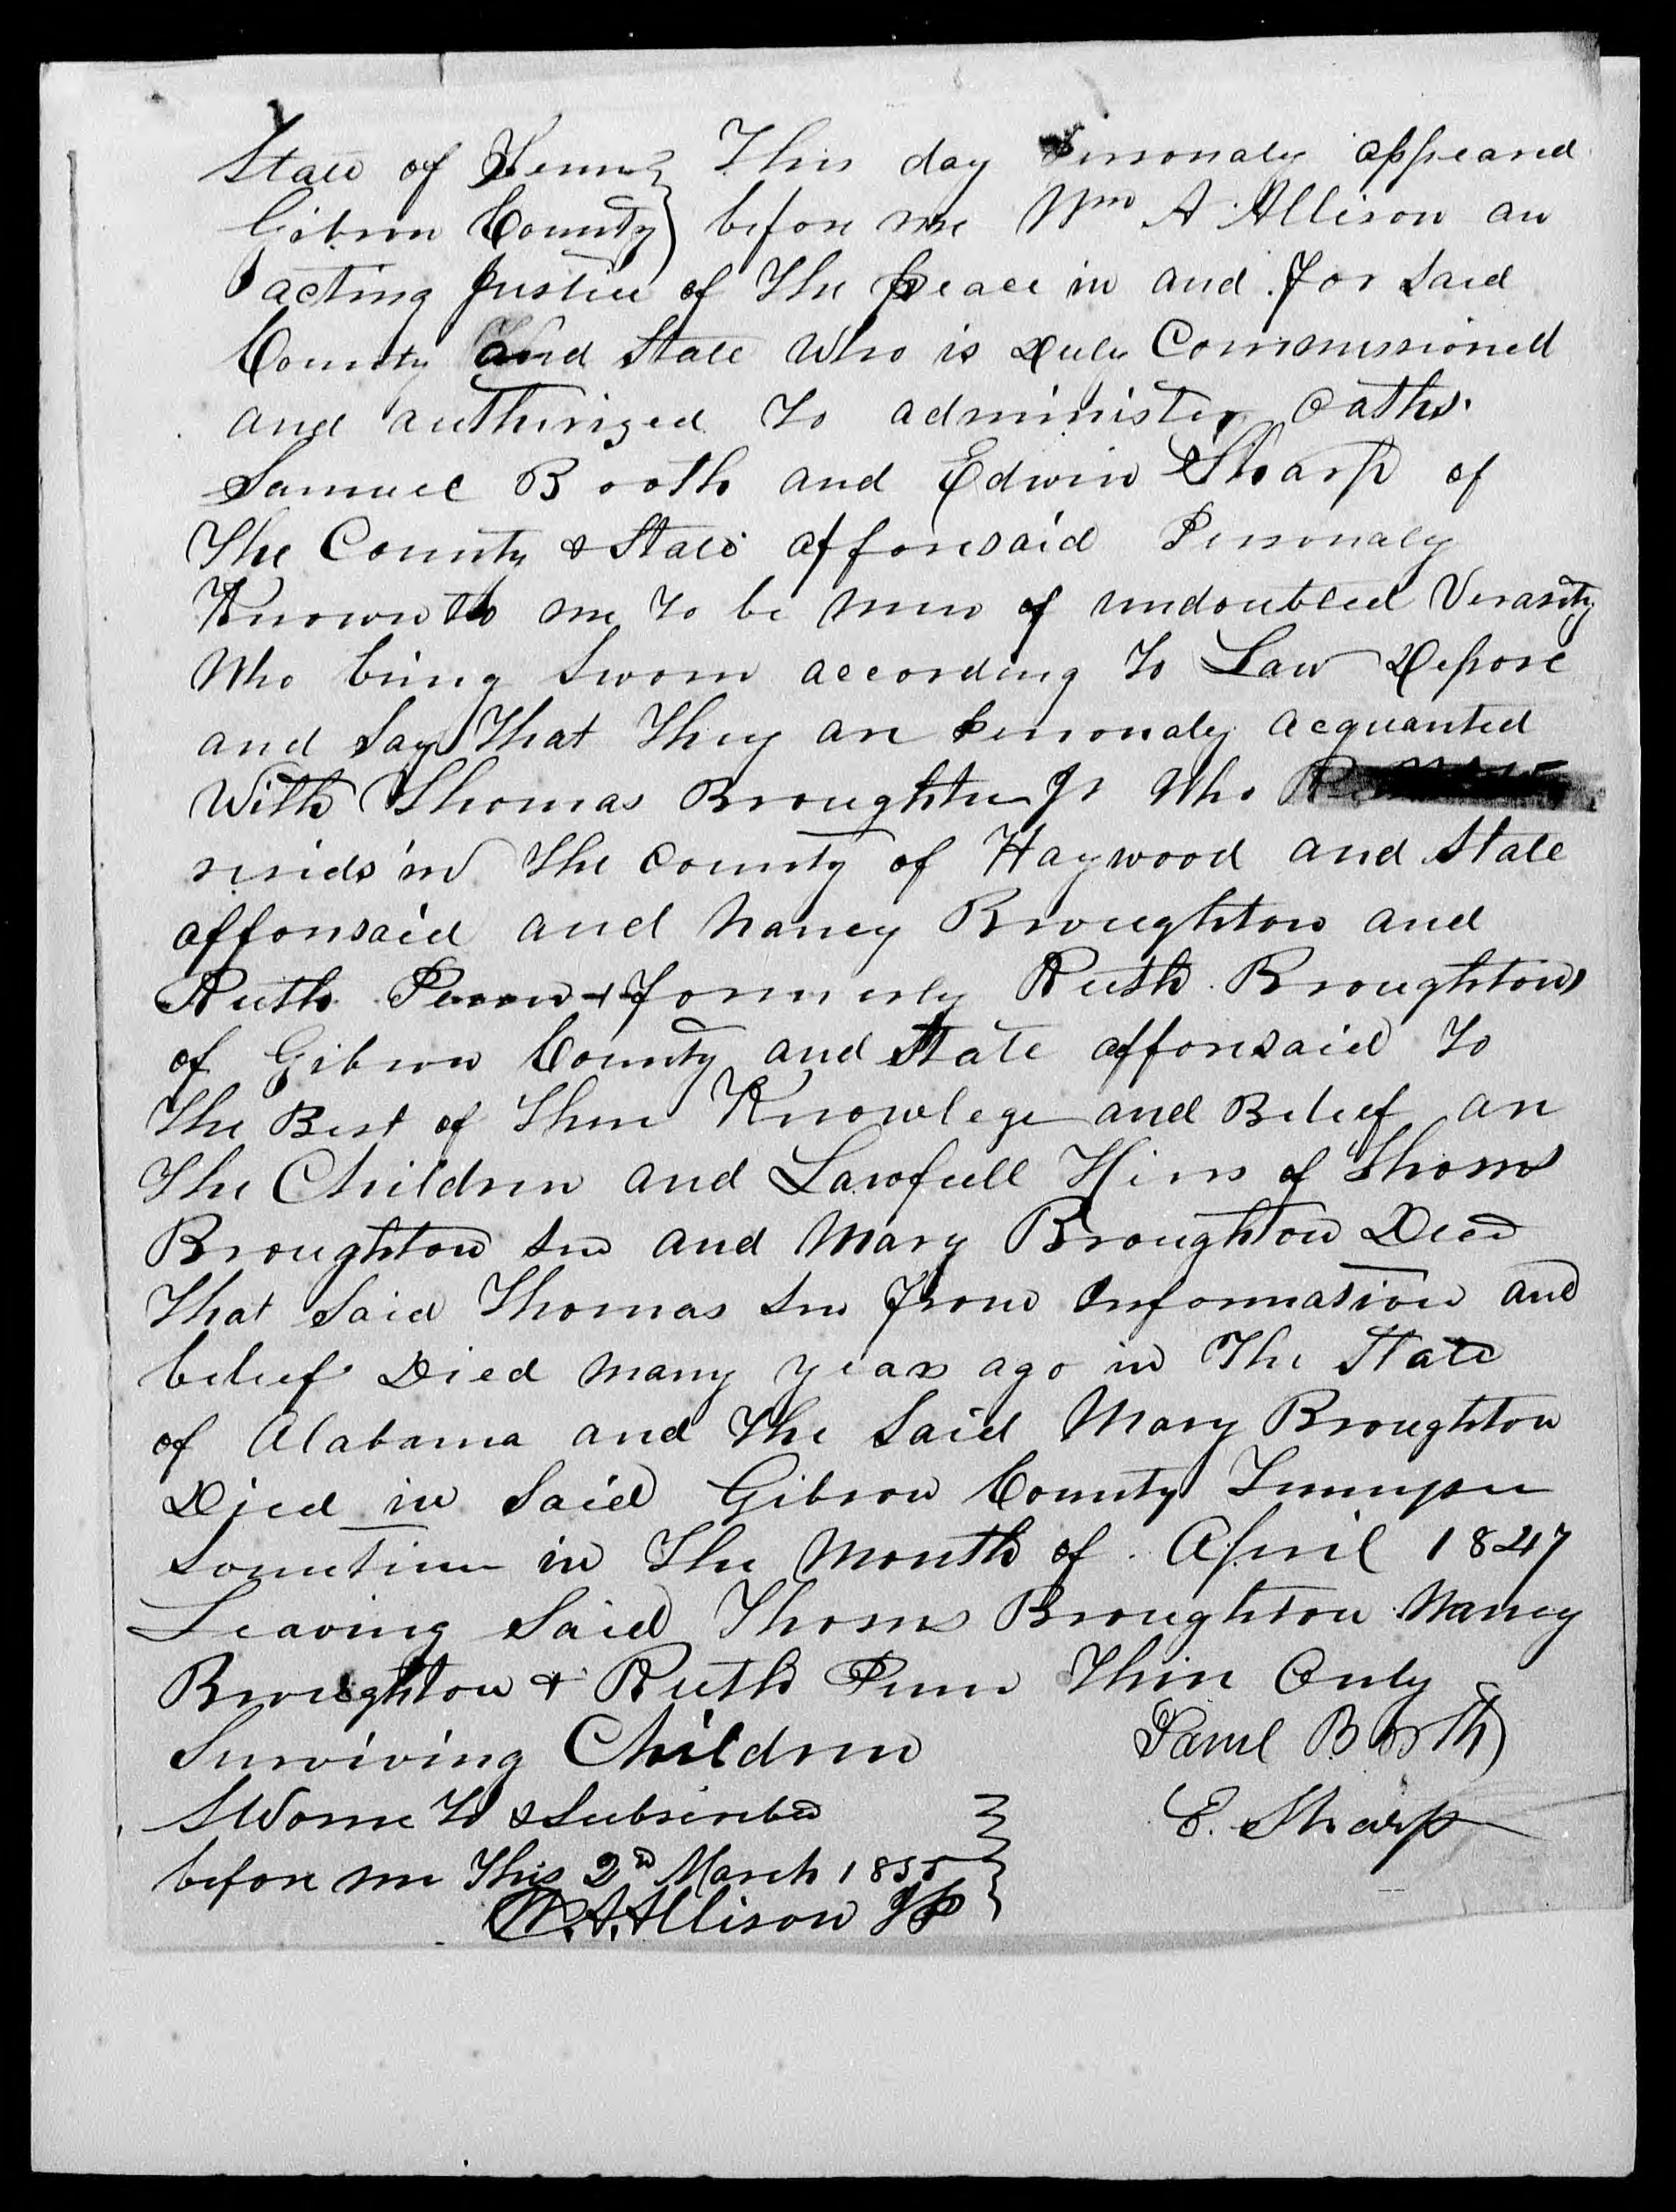State of Tenn}
Gibson County}
This day personaly [personally] appeared before me Wm A Allison an acting Justice of the peace in and for said County and State who is duly commissioned and authorized to administer oath Samuel Booth and Edwin Sharp of the County & State afforesaid [aforesaid] personally known to me to be men of undoubted verasity [veracity] who being sworn according to Law depose and say that they are personaly [personally] acquanted [acquainted] with Thomas Broughton Jr who resides in the County of Haywood and State afforesaid [aforesaid] and Nancy Broughton and Ruth Penn & formerly Ruth Broughton, of Gibson County and State afforesaid [aforesaid] to the Best of Their Knowledge and Belief are the Children and Lawfull [Lawful] Heirs of Thomas Broughton Sen and Mary Broughton Decd
That said Thomas Sen from information and belief died many years ago in the State of Alabama and the said Mary Broughton died in said Gibson County Tennessee sometime in the month of April 1847 leaving said Thomas Broughton Nancy Broughton & Ruth Penn their only surviving Children
[signature}  Saml Booth
[signature] E. Sharp
Sworn to & Subscribed]
before me this 2d March 1855}
[signature] W. A. Allison JP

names: Mary Broughton, Nancy Broughton, Ruth Penn, Wm A Allison, Thomas Broughton, Nancy Broughton, Samuel Booth, Mary Broughton, Edwin Sharp, Ruth Penn, E Sharp, Thomas Broughton, Nancy Broughton, W A Allison, Saml Booth, Thomas Broughton, Thomas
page: 45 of 72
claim: widow's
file: W. 897, Thomas Broughton, S.C.